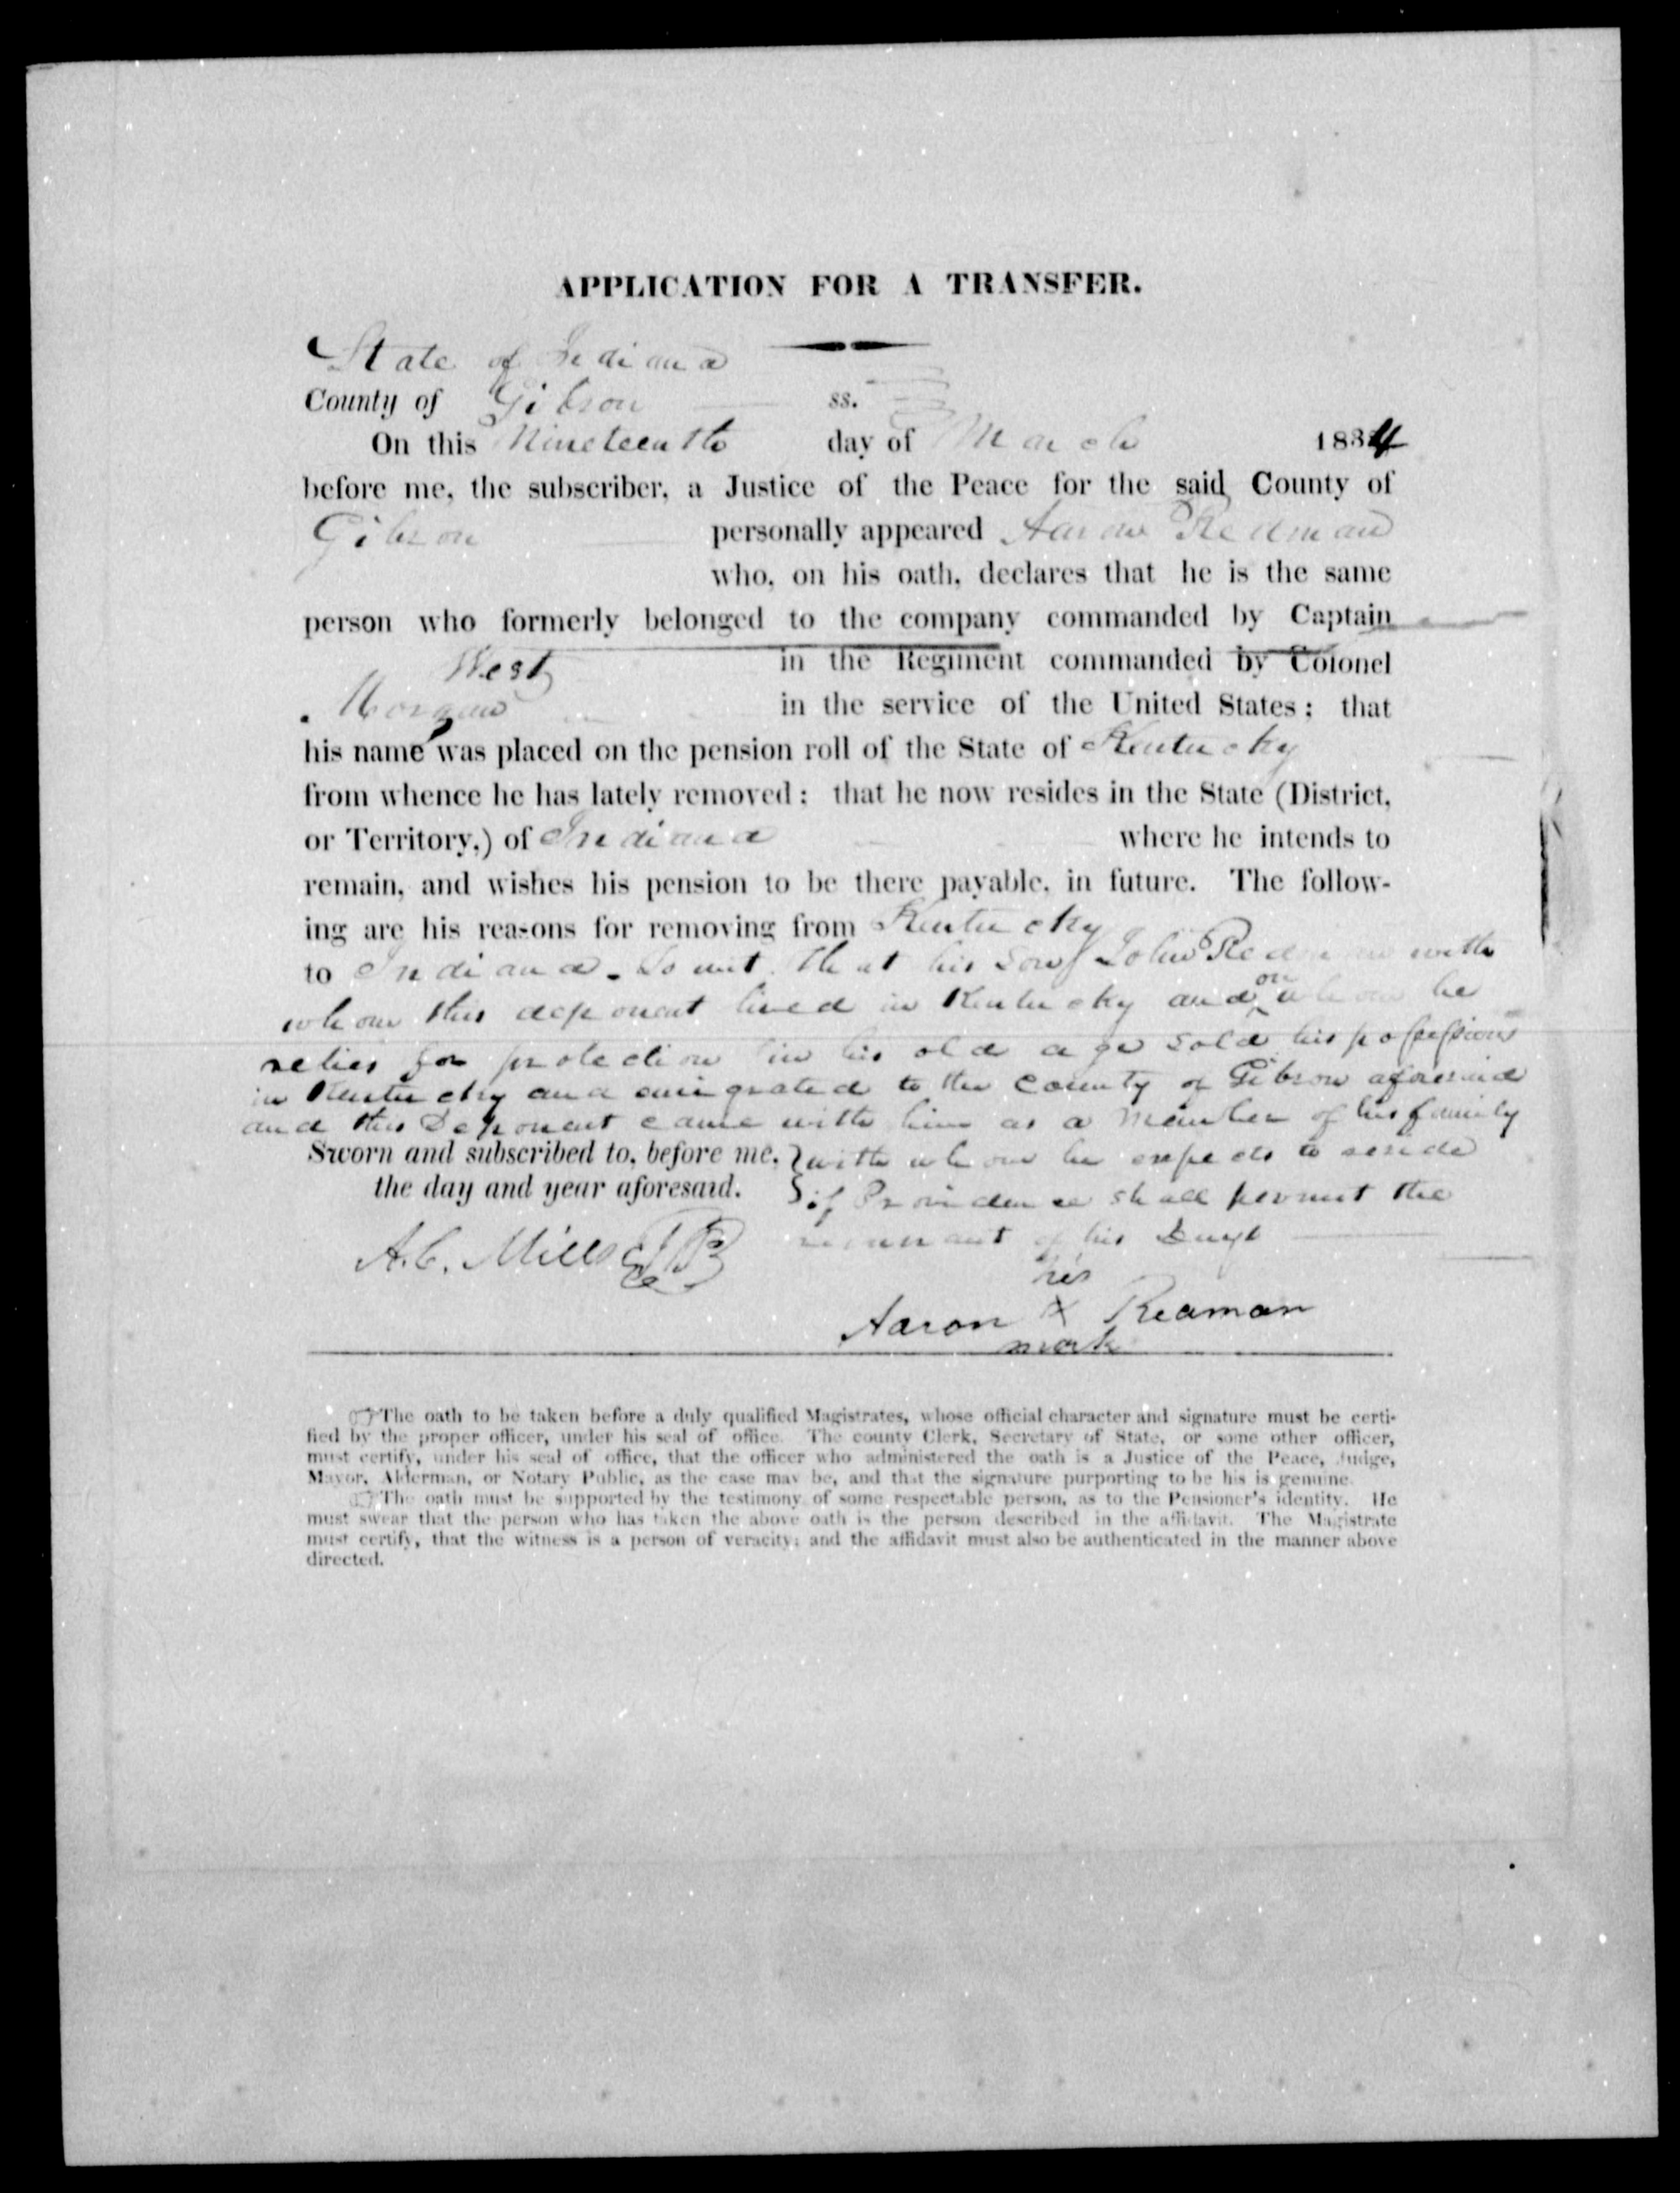APPLICATION FOR A TRANSFER.

State of Indiana
County of Gibson - ss.

On this Nineteenth day of March 1834, before me, the subscriber, a Justice of the Peace for the said County of Gibson personally appeared Aaron Redman who, on his oath, declares that he is the same person who formerly belonged to the company commanded by Captain West in the Regiment commanded by Colonel Morgan in the service of the United States; that his name was placed on the pension roll of the State of Kentucky from whence he has lately removed; he now resides in the State (District or Territory,) of Indiana where he intends to remain, and wishes his pension to be payable, in the future.  The follow-ing are his reasons for removing from Kentucky to Indiana. 

(illegible)

Sworn and subscribed to, before me, the day and year aforesaid.

(illegible)

Aaron Redman
x mark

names: Aaron Redman; A C Mills; Aaron Reaman; John Redman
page: 9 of 57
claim: widow's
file: W. 9,622, for Aaron Redman, Virginia